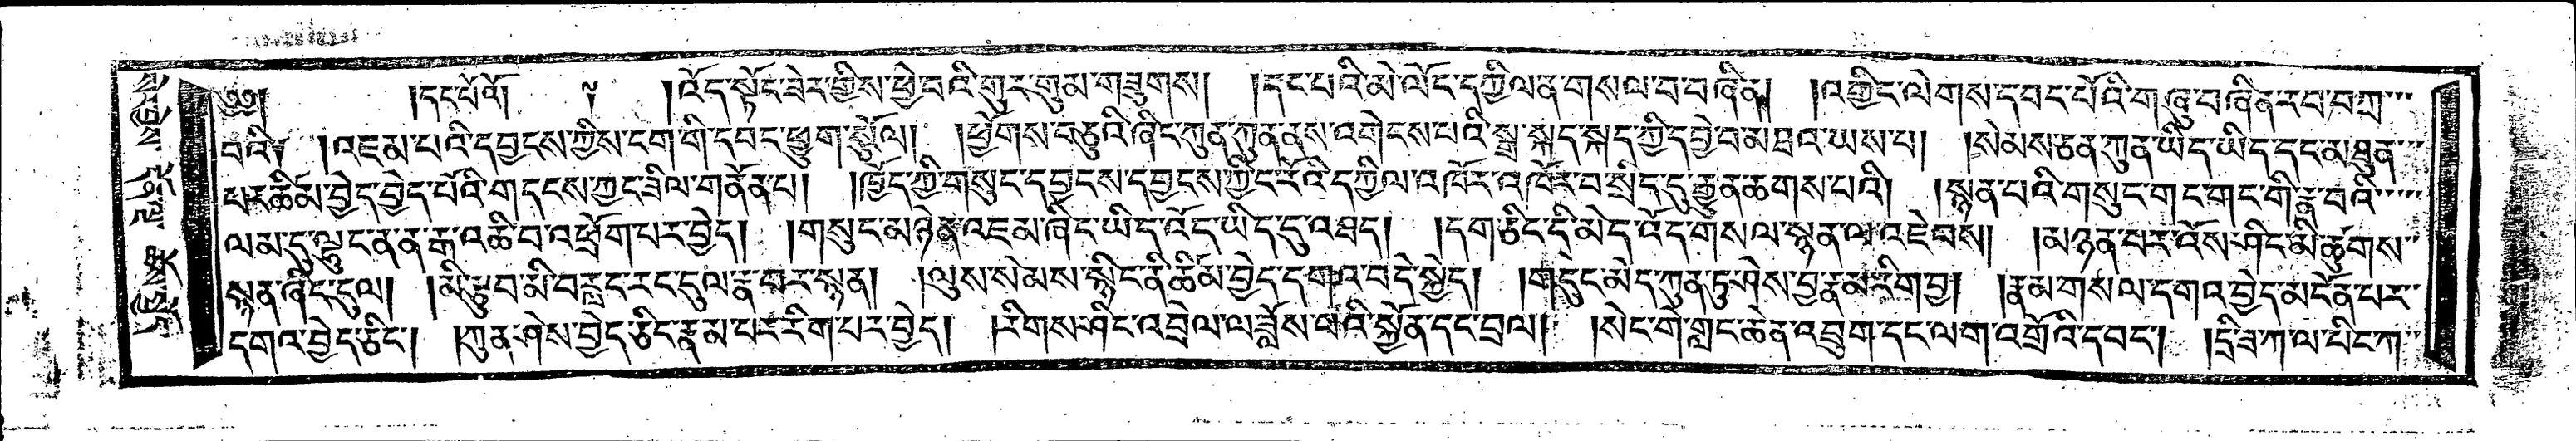༄༅། །དང་པོའོ། ༈ །འོད་སྟོང་ཟེར་གྱིས་ཕྱེ་བའི་གུར་གུམ་གཟུགས། །དང་པའི་མེ་ལོང་དཀྱིལ་ན་གསལ་བ་བཞིན། །འགྱིང་ལེགས་དབང་པོའི་གཞུ་བཞིན་རབ་བཀྲ་
བའི༑ །འཇམ་པའི་དབྱངས་ཀྱིས་ངག་གི་དབང་ཕྱུག་སྩོལ། །ཕྱོགས་བཅུའི་ཞིང་ཀུན་ཀུན་ནས་འགེངས་པའི་སྒྲ་སྐད་སྐད་ཀྱི་དབྱེ་བ་མཐའ་ཡས་པ། །སེམས་ཅན་ཀུན་ཡིད་ཡིད་དང་མཐུན་
པར་ཚིམ་བྱེད་བྱེད་པོའི་གདངས་ཀྱང་ཟིལ་གནོན་པ། །ཁྱོད་ཀྱི་གསུང་དབྱངས་དབྱངས་ཀྱིང་རོའི་དཀྱིལ་འཁོར་འཁོར་བ་སྲིད་དུ་རྒྱུན་ཆགས་པའི། །སྙན་པའི་གསུང་གང་གང་གི་རྣ་བའི་
ལམ་དུ་ལྷུང་ན་ན་རྒ་འཆི་བ་འཕྲོག་པར་བྱེད། །གསུང་མཉེན་འཇམ་ཞིང་ཡིད་འོད་ཡིད་དུ་འཐད། །དག་ཅིང་དི་མེད་འོད་གསལ་སྙན་ལ་འཇེབས། །མཉན་པར་འོས་ཤིང་མི་ཚུགས་
སྙན་ཞིང་དུལ། །མི་རྩུབ་མི་བརླང་རང་དུལ་རྣ་བར་སྙན། །ལུས་སེམས་སྙིང་ནི་ཚིམ་བྱེད་དགའ་བདེ་སྐྱེད། །གདུང་མེད་ཀུན་ཏུ་ཤེས་བྱ་རྣམ་རིག་བྱ། །རྣམ་གསལ་དགའ་བྱེད་མངོན་པར་
དགའ་བྱེད་ཅིང་། །ཀུན་ཤེས་བྱེད་ཅིང་རྣམ་པར་རིག་པར་བྱེད། །རིགས་ཤིང་འབྲེལ་ལ་ཟློས་པའི་སྐྱོན་དང་བྲལ། །སེང་གེ་གླང་ཆེན་འབྲུག་དང་ལག་འགྲོའི་དབང་། །དྲི་ཟ་ཀ་ལ་པིང་ཀ་